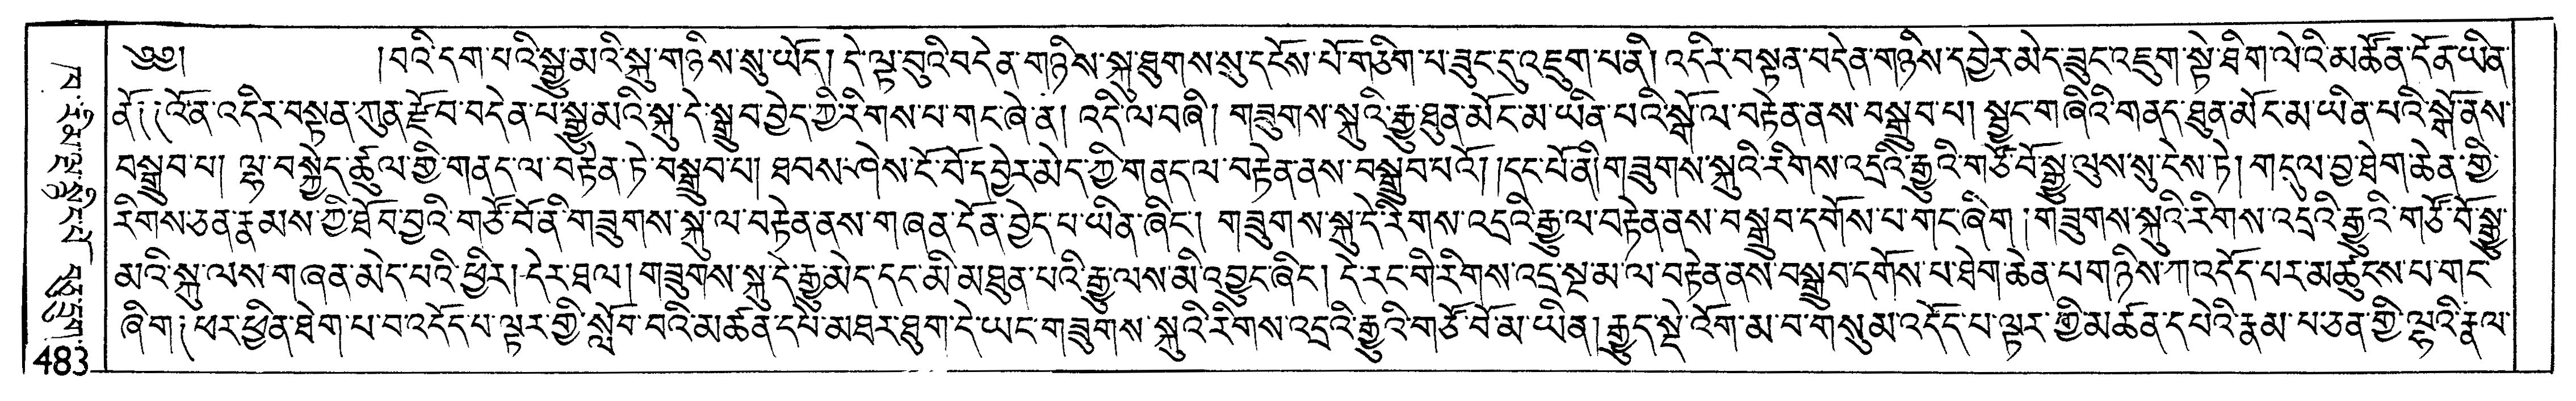༄༅། །བའི་དག་པའི་སྒྱུ་མའི་སྐུ་གཉིས་སུ་ཡོད། དེ་ལྟ་བུའི་བདེན་གཉིས་སྐུ་ཐུགས་སུ་དངོས་པོ་གཅིག་པ་ཟུང་དུ་འཇུག་པ་ནི། འདིར་བསྟན་བདེན་གཉིས་དབྱེར་མེད་ཟུང་འཇུག་སྟེ་ཐིག་ལེའི་མཚོན་དོན་ཡིན་
ནོ༑ ༑འོ་ན་འདིར་བསྟན་ཀུན་རྫོབ་བདེན་པ་སྒྱུ་མའི་སྐུ་དེ་སྒྲུབ་བྱེད་ཀྱི་རིགས་པ་གང་ཞེ་ན། འདི་ལ་བཞི། གཟུགས་སྐུའི་རྒྱུ་ཐུན་མོང་མ་ཡིན་པའི་སྒོ་ལ་བརྟེན་ནས་བསྒྲུབ་པ། སྦྱང་གཞིའི་གནད་ཐུན་མོང་མ་ཡིན་པའི་སྒོ་ནས་
བསྒྲུབ་པ། ལྷ་བསྐྱེད་ཚུལ་གྱི་གནད་ལ་བརྟེན་ཏེ་བསྒྲུབ་པ། ཐབས་ཤེས་ངོ་བོ་དབྱེར་མེད་ཀྱི་གནད་ལ་བརྟེན་ནས་བསྒྲུབ་པའོ། །དང་པོ་ནི། གཟུགས་སྐུའི་རིགས་འདྲའི་རྒྱུའི་གཙོ་བོ་སྒྱུ་ལུས་སུ་ངེས་ཏེ། གདུལ་བྱ་ཐེག་ཆེན་གྱི་
རིགས་ཅན་རྣམས་ཀྱི་ཐོབ་བྱའི་གཙོ་བོ་ནི་གཟུགས་སྐུ་ལ་བརྟེན་ནས་གཞན་དོན་བྱེད་པ་ཡིན་ཞིང་། གཟུགས་སྐུ་དེ་རིགས་འདྲའི་རྒྱུ་ལ་བརྟེན་ནས་བསྒྲུབ་དགོས་པ་གང་ཞིག །གཟུགས་སྐུའི་རིགས་འདྲའི་རྒྱུའི་གཙོ་བོ་སྒྱུ་
མའི་སྐུ་ལས་གཞན་མེད་པའི་ཕྱིར། དེར་ཐལ། གཟུགས་སྐུ་དེ་རྒྱུ་མེད་དང་མི་མཐུན་པའི་རྒྱུ་ལས་མི་འབྱུང་ཞིང་། དེ་རང་གི་རིགས་འདྲ་སྔ་མ་ལ་བརྟེན་ནས་བསྒྲུབ་དགོས་པ་ཐེག་ཆེན་པ་གཉིས་ཀ་འདོད་པར་མཚུངས་པ་གང་
ཞིག ༑ཕར་ཕྱིན་ཐེག་པ་བ་འདོད་པ་ལྟར་གྱི་སློབ་པའི་མཚན་དཔེ་མཐར་ཐུག་དེ་ཡང་གཟུགས་སྐུའི་རིགས་འདྲའི་རྒྱུའི་གཙོ་བོ་མ་ཡིན། རྒྱུད་སྡེ་འོག་མ་བ་གསུམ་འདོད་པ་ལྟར་གྱི་མཚན་དཔེའི་རྣམ་པ་ཅན་གྱི་ལྷའི་རྣལ་